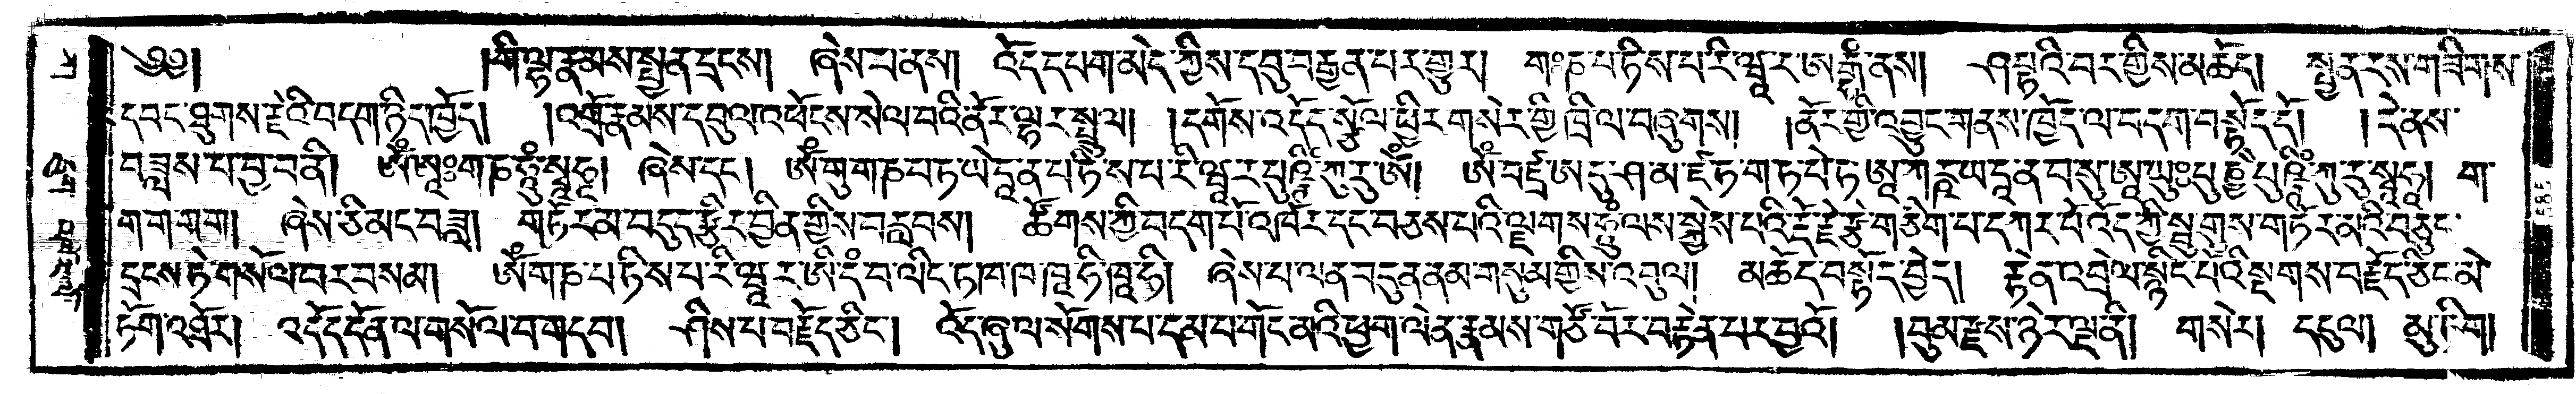༄༅། །གི་ལྷ་རྣམས་སྤྱན་དྲངས། ཞེས་པ་ནས། འོད་དཔག་མེད་ཀྱིས་དབུ་བརྒྱན་པར་གྱུར། གཿ ཎ་པ་ཏིས་པ་རི་ཝཱ་ར་ཨརྒྷཾ་ནས། ཤཔྟའི་བར་གྱིས་མཆོད། སྤྱན་རས་གཟིགས་
དབང་ཐུགས་རྗེའི་བདག་ཉིད་ཁྱོད། །འགྲོ་རྣམས་དབུལ་འཕོངས་སེལ་བའི་ནོར་ལྷར་སྤྲུལ། །དགོས་འདོད་སྩོལ་ཕྱིར་གསེར་གྱི་ཁྲིལ་བཞུགས། །ནོར་གྱི་འབྱུང་གནས་ཁྱོད་ལ་བདག་བསྟོད་དོ། །དེ་ནས་
བཟླས་པ་བྱ་བ་ནི། ཨོཾ་ཨཱཿ ག་ཎ་ཧཱུཾ་སྭཱཧཱ། ཞེས་དང་། ཨོཾ་གུ་གཎ་པ་ཏ་ཡེ་དཱ་ན་ཏི་ས་པ་རི་ཝཱ་ར་པུཥྚི་ཀུ་རུ་ཨོཾ། ཨོཾ་བཛྲ་ཨ་དུ་ཤ་མ་ཛ་ཏ་ག་ཏ་པེ་ཏ་ཨཱ་ཀརྵ་ཡ་དཱ་ན་བ་སུ་ཨཱ་ཡུཿ པུ་ཎྱཻ་པུཥྚིཾ་ཀུ་རུ་སྭཱཧཱ། ག་
གག?་གག?། ཞེས་ཅི་མང་བཟླ། གཏོར་མ་བདུད་རྩིར་བྱིན་གྱིས་བརླབས། ཚོགས་ཀྱི་བདག་པོ་འཁོར་དང་བཅས་པའི་ལྗགས་ཧཱུཾ་ལས་སྐྱེས་པའི་རྡོ་རྗེ་རྩེ་གཅིག་པ་དཀར་པོ་འོད་ཀྱི་སྦུ་གུས་གཏོར་མའི་བཅུང་
དྲངས་ཏེ་གསོལ་བར་བསམ། ཨོཾ་ག་ཎ་པ་ཏིས་པ་རི་ཝཱ་ར་ཨི་དཾ་བ་ལིང་ཏ་ཁ་ཁ་ཁཱ་ཧི། ཞེས་པ་ལན་བདུན་ནམ་གསུམ་གྱིས་འབུལ། མཆོད་བསྟོད་བྱེད། རྟེན་འབྲེལ་སྙིང་པོའི་སྔགས་བརྗོད་ཅིང་མེ་
ཏོག་འཐོར། འདོད་དོན་ལ་གསོལ་བ་གདབ། ཤིས་པ་བརྗོད་ཅིང་། འོད་ཞུལ་སོགས་པ་དམ་པ་གོང་མའི་ཕྱག་ལེན་རྣམས་གཙོ་བོར་བརྟེན་པར་བྱའོ། །བུམ་རྫས་ཉེར་ལྔ་ནི། གསེར། དངུལ། མུ་ཏིག།